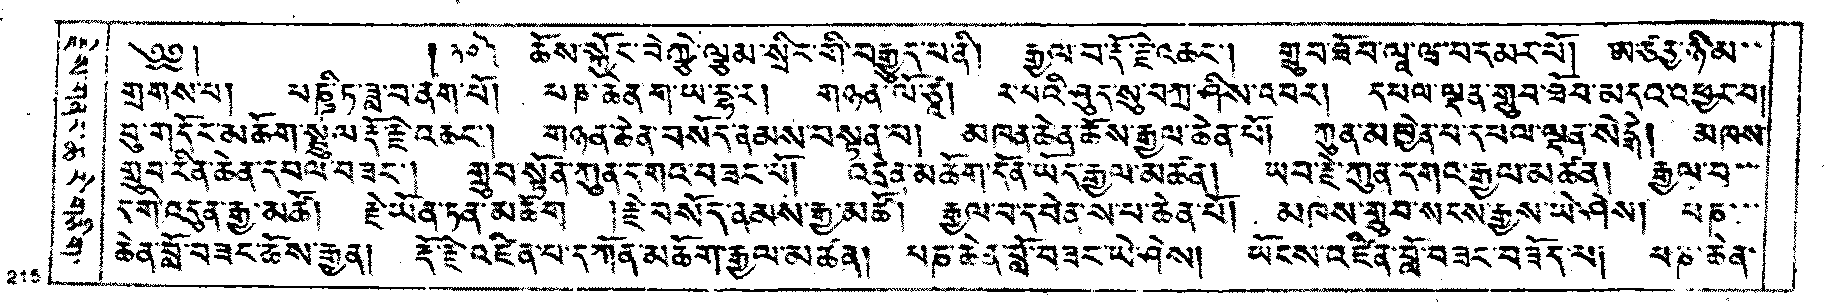༄༅། །༢༠?་ཆོས་སྐྱོང་པེཀྩེ་ལྕམ་སྲིང་གི་བརྒྱུད་པ་ནི། རྒྱལ་བ་རྡོ་རྗེ་འཆང་། གྲུབ་ཐོབ་ལཱ་ཝ་པ་དམར་པོ། ཨ་ཙརྱ་ཉི་མ་
གྲགས་པ། པཎྜི་ཏ་ཟླ་བ་ནག་པོ། པཎ་ཆེན་ག་ཡ་དྷ་ར། གཉན་ལོ་ཙཱ། ར་པའི་ཤུད་སུ་བཀྲ་ཤིས་འབར། དཔལ་ལྡན་གྲུབ་ཐོགས་མདའ་འཕྱར་བ།
བུ་གདོང་མཆོག་སྤྲུལ་རྡོ་རྗེ་འཆང་། གཉན་ཆེན་བསོད་ནམས་བསྟན་པ། མཁན་ཆེན་ཆོས་རྒྱལ་ཆེན་པོ། ཀུན་མཁྱེན་པ་དཔལ་ལྡན་སེངྒེ། མཁས་
གྲུབ་རིན་ཆེན་དཔལ་བཟང་། གྲུབ་སྟོན་ཀུན་དགའ་བཟང་པོ། འདྲེན་མཆོག་དོན་ཡོད་རྒྱལ་མཚན། ཡབ་རྗེ་ཀུན་དགའ་རྒྱལ་མཚན། རྒྱལ་བ་
དགེ་འདུན་རྒྱ་མཚོ། རྗེ་ཡོན་ཏན་མཆོག །རྗེ་བསོད་ནམས་རྒྱ་མཚོ། རྒྱལ་བ་དབེན་ས་པ་ཆེན་པོ། མཁས་གྲུབ་སངས་རྒྱས་ཡེ་ཤེས། པཎ་
ཆེན་བློ་བཟང་ཆོས་རྒྱན། རྡོ་རྗེ་འཛིན་པ་དཀོན་མཆོག་རྒྱལ་མཚན། པཎ་ཆེན་བློ་བཟང་ཡེ་ཤེས། ཡོངས་འཛིན་བློ་བཟང་བཟོད་པ། པཎ་ཆེན་